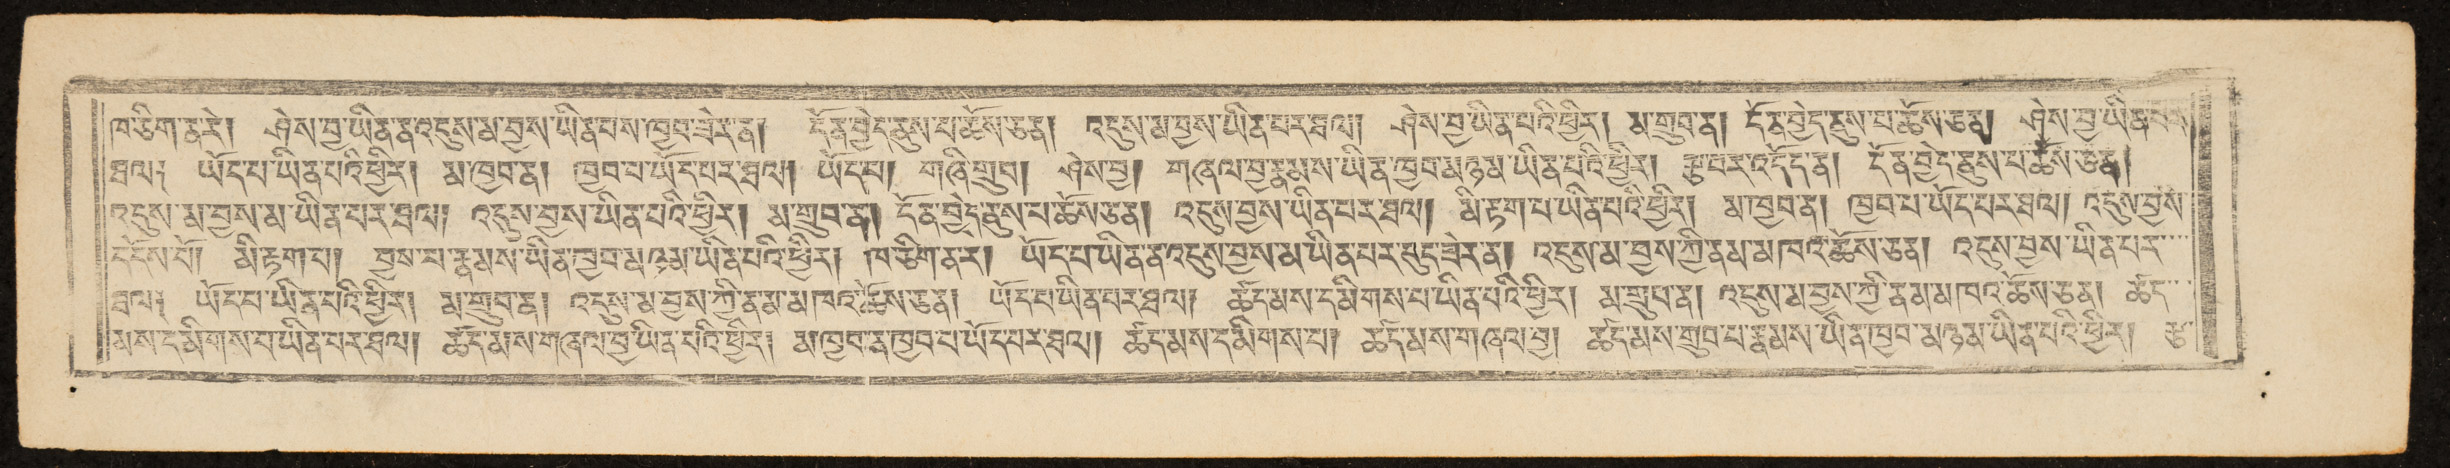ཁ་ཅིག་ན་རེ། ཤེས་བྱ་ཡིན་ན་འདུས་མ་བྱས་ཡིན་པས་ཁྱབ་ཟེར་ན། དོན་བྱེད་ནུས་པ་ཆོས་ཅན། འདུས་མ་བྱས་ཡིན་པར་ཐལ། ཤེས་བྱ་ཡིན་པའི་ཕྱིར། མ་གྲུབ་ན། དོན་བྱེད་ནུས་པ་ཆོས་ཅན། ཤེས་བྱ་ཡིན་པར་
ཐལ། ཡོད་པ་ཡིན་པའི་ཕྱིར། མ་ཁྱབ་ན། ཁྱབ་པ་ཡོད་པར་ཐལ། ཡོད་པ། གཞི་གྲུབ། ཤེས་བྱ། གཞལ་བྱ་རྣམས་ཡིན་ཁྱབ་མཉམ་ཡིན་པའི་ཕྱིར། རྩ་བར་འདོད་ན། དོན་བྱེད་ནུས་པ་ཆོས་ཅན།
འདུས་མ་བྱས་མ་ཡིན་པར་ཐལ། འདུས་བྱས་ཡིན་པའི་ཕྱིར། མ་གྲུབ་ན། དོན་བྱེད་ནུས་པ་ཆོས་ཅན། འདུས་བྱས་ཡིན་པར་ཐལ། མི་རྟག་ཡིན་པའི་ཕྱིར། མ་ཁྱབ་ན། ཁྱབ་པ་ཡོད་པར་ཐལ། འདུས་བྱས།
དངོས་པོ། མི་རྟག་པ། བྱས་པ་རྣམས་ཡིན་ཁྱ་མཉམ་ཡིན་པའི་ཕྱིར། ཁ་ཅིག་ན་རེ། ཡོད་པ་ཡིན་ན་འདུས་བྱས་མ་ཡིན་པར་བུད་ཟེར་ན། འདུས་མ་བྱས་ཀྱི་ནམ་མཁའ་ཆོས་ཅན། འདུས་བྱས་ཡིན་པར་
ཐལ། ཡོད་པ་ཡིན་པའི་ཕྱིར། མ་གྲུབ་ན། འདུས་མ་བྱས་ཀྱི་ནམ་མཁའ་ཆོས་ཅན། ཡོད་པ་ཡིན་པར་ཐལ། ཚད་མས་དམིགས་པ་ཡིན་པའི་ཕྱིར། མ་གྲུབ་ན། འདུས་མ་བྱས་ཀྱི་ནམ་མཁའ་ཆོས་ཅན། ཚད་
མས་དམིགས་པ་ཡིན་པར་ཐལ། ཚད་མས་གཞལ་བྱ་ཡིན་པའི་ཕྱིར། མ་ཁྱབ་ན་ཁྱབ་པ་ཡོད་པར་ཐལ། ཚད་མས་དམིགས་པ། ཚད་མས་གཞལ་བྱ། ཚད་མས་གྲུབ་པ་རྣམས་ཡིན་ཁྱབ་མཉམ་ཡིན་པའི་ཕྱིར། རྩ་